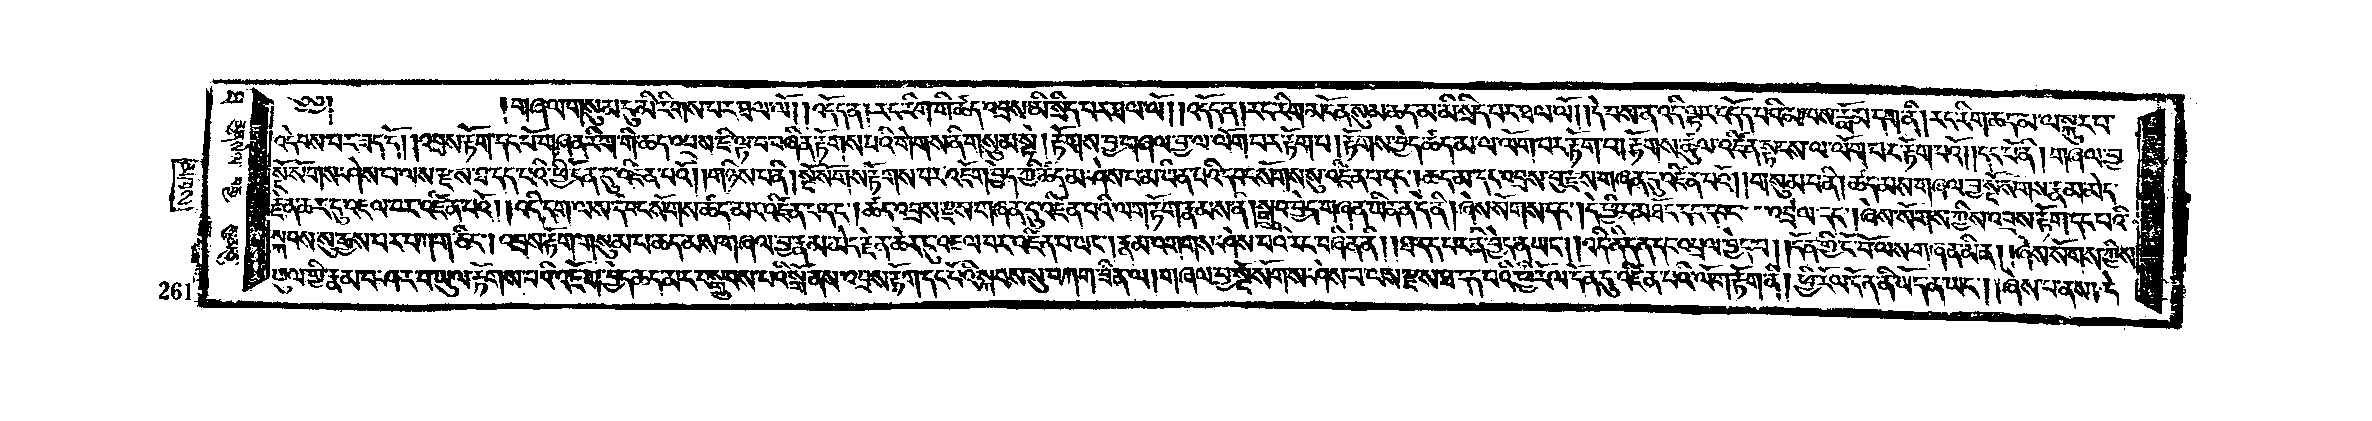༄༅། །གཞལ་གསུམ་དུ་མི་རིགས་པར་ཐལ་ལོ། །འདོད་ན། རང་རིག་གི་ཚད་འབྲས་མི་སྲིད་པར་ཐལ་ལོ། །འདོད་ན། རང་རིག་མངོན་སུམ་ཚད་མ་མི་སྲིད་པར་ཐལ་ལོ། །དེ་བས་ན་འདི་ལྟར་འདོད་པའི་མཁས་རློམ་དག་ནི། རང་རིག་ཚད་མ་ལ་སྐུར་བ་
འདེབས་པར་ཟད་དོ། །འབྲས་རྟོག་དང་པོ་གཞན་རིག་གི་ཚད་འབྲས་ཇི་ལྟ་བ་བཞིན་རྟོགས་པའི་གེགས་ནི་གསུམ་སྟེ། རྟོགས་བྱ་གཞལ་བྱ་ལ་ལོག་པར་རྟོག་པ། རྟོགས་བྱེད་ཚད་མ་ལ་ལོག་པར་རྟོག་པ། རྟོགས་ཚུལ་འཛིན་སྟངས་ལ་ལོག་པར་རྟོག་པའོ། །དང་པོ་ནི། གཞལ་བྱ་
སྔོ་སོགས་ཤེས་པ་ལས་རྫས་ཐ་དད་པའི་ཕྱི་དོན་དུ་འཛིན་པའོ། །གཉིས་པ་ནི། སྔོ་སོགས་རྟོགས་པར་འཇོག་བྱེད་ཀྱི་ཚད་མ་ཤེས་པ་མ་ཡིན་པའི་དབང་སོགས་སུ་འཛིན་པ་དང་། ཚད་མ་དང་འབྲས་བུ་རྫས་གཞན་དུ་འཛིན་པའོ། །གསུམ་པ་ནི། ཚད་མས་གཞལ་བྱ་སྔོ་སོགས་རྣམ་མེད་
རྗེན་ཆར་དུ་འཇལ་བར་འཛིན་པའོ། །འདི་དག་ལས་དབང་སོགས་ཚད་མར་འཛིན་པ་དང་། ཚད་འབྲས་རྫས་གཞན་དུ་འཛིན་པའི་ལོག་རྟོག་རྣམས་ནི། སྒྲུབ་བྱེད་གཞན་ཡིན་ན་དེ་ནི། ཞེས་སོགས་དང་། དེ་ཕྱིར་མཐོང་དང་དབང་འབྲེལ་དང་། ཞེས་སོགས་ཀྱིས་འབྲས་རྟོག་དང་པོའི་
སྐབས་སུ་རྒྱས་པར་བཀག་ཅིང་། འབྲས་རྟོག་གསུམ་པ་ཚད་མས་གཞལ་བྱ་རྣམ་མེད་རྗེན་ཆར་དུ་འཇལ་བར་འཛིན་པ་ཡང་། རྣམ་འགགས་ཤེས་པའི་རང་བཞིན་ནི། །ཐ་དད་པར་ནི་བྱེད་ན་ཡང་། །འདི་ནི་དོན་དང་འབྲེལ་བྱེད་པ། །དོན་གྱི་ངོ་བོ་ལས་གཞན་མིན། །ཞེས་སོགས་ཀྱིས་
ཡུལ་གྱི་རྣམ་པ་ཤར་བ་ཡུལ་རྟོགས་པའི་འཇོག་བྱེད་ཚད་མར་བསྒྲུབས་པའི་སྒོ་ནས་འབྲས་རྟོག་དང་པོའི་སྐབས་སུ་བཀག་ཟིན་ལ། གཞལ་བྱ་སྔོ་སོགས་ཤེས་པ་ལས་རྫས་ཐ་དད་པའི་ཕྱི་རོལ་དོན་དུ་འཛིན་པའི་ལོག་རྟོག་ནི། ཕྱི་རོལ་དོན་ནི་ཡོད་ན་ཡང་། །ཞེས་པ་ནས། དེ་